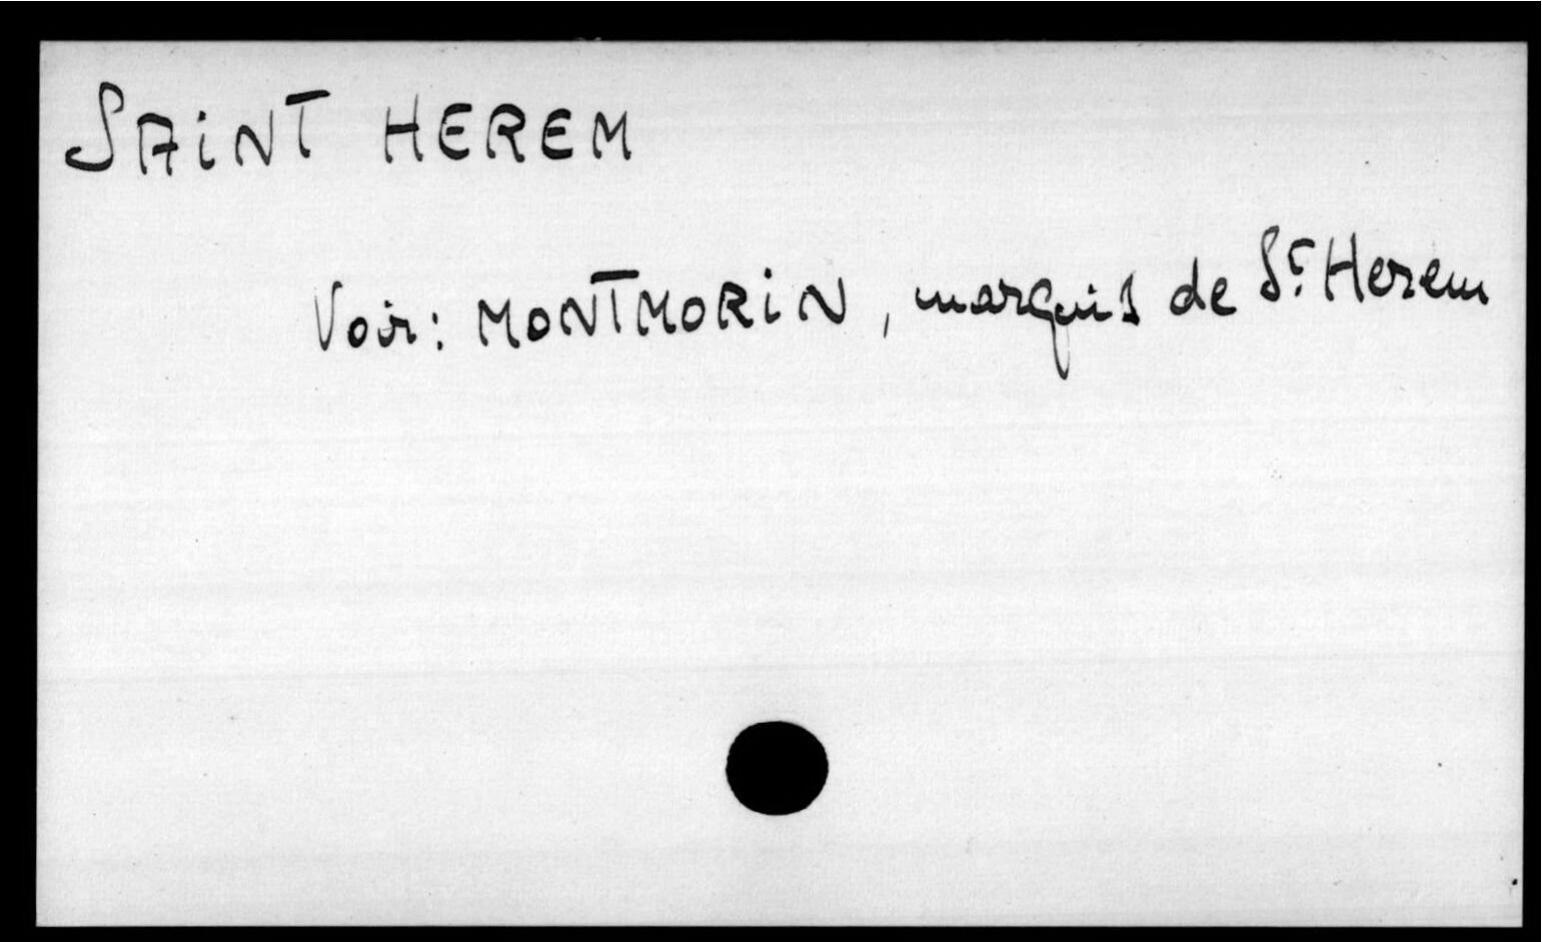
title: AAINT HEREM
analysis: Voir : MONTMORIN, marquis de Saint-Hereux
